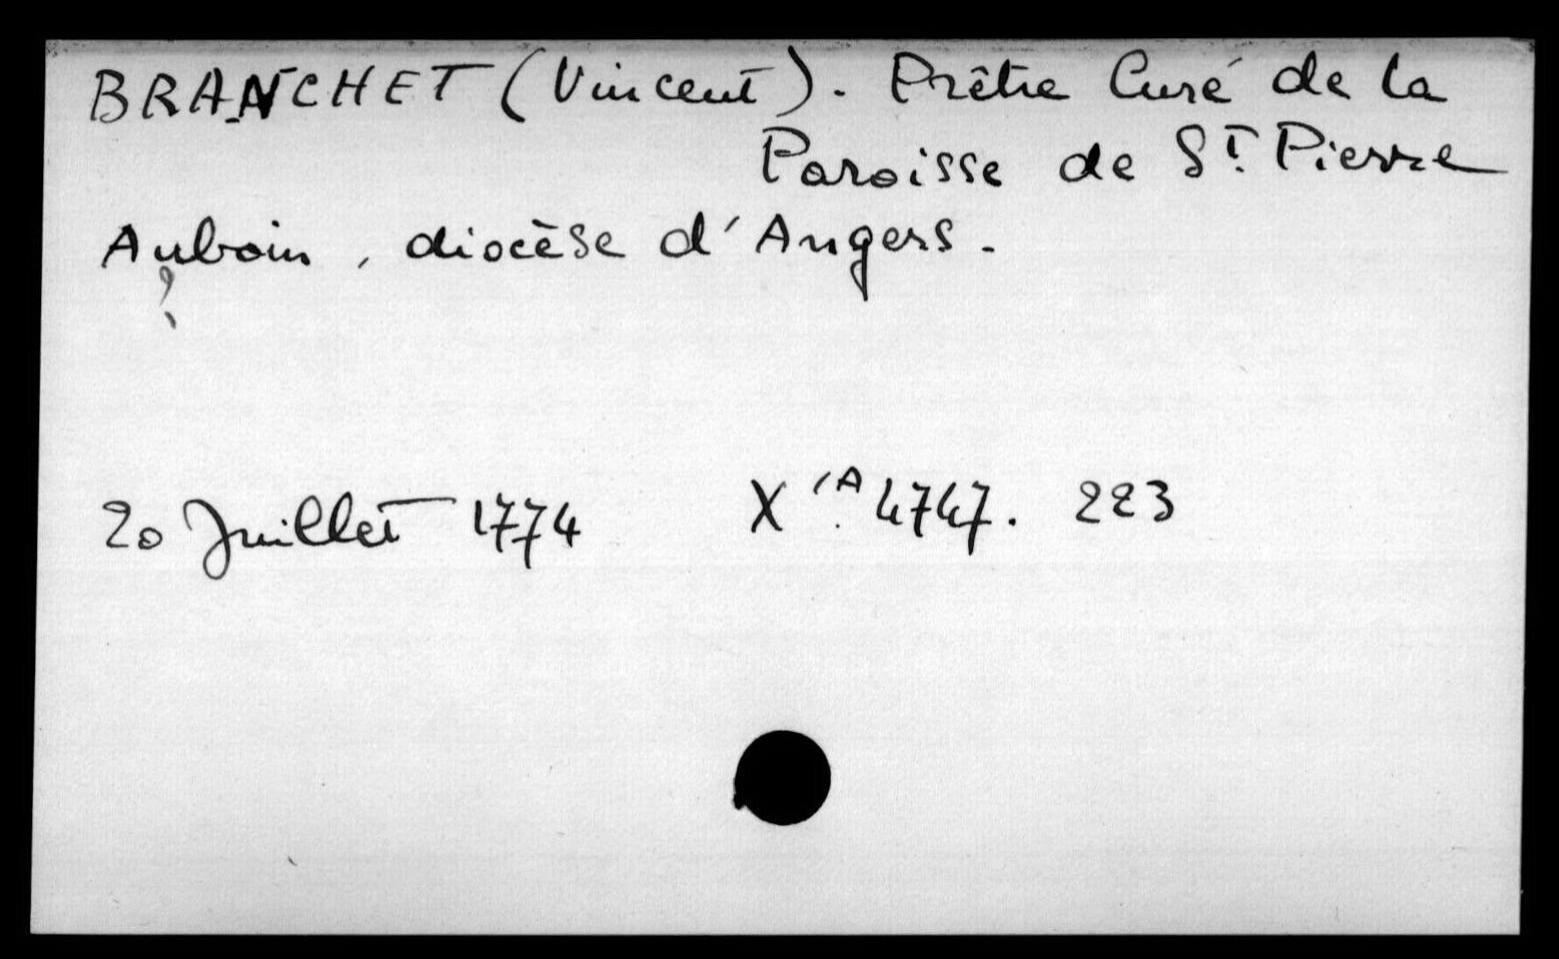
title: BRANCHET (Vincent), Prêtre curé de la Paroisse de Saint-Pierre Aubain ? , diocèse d'Angers
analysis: Contre diocèse d'Angers.
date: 20 juillet 1774
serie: X1A
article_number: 4747
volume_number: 223
